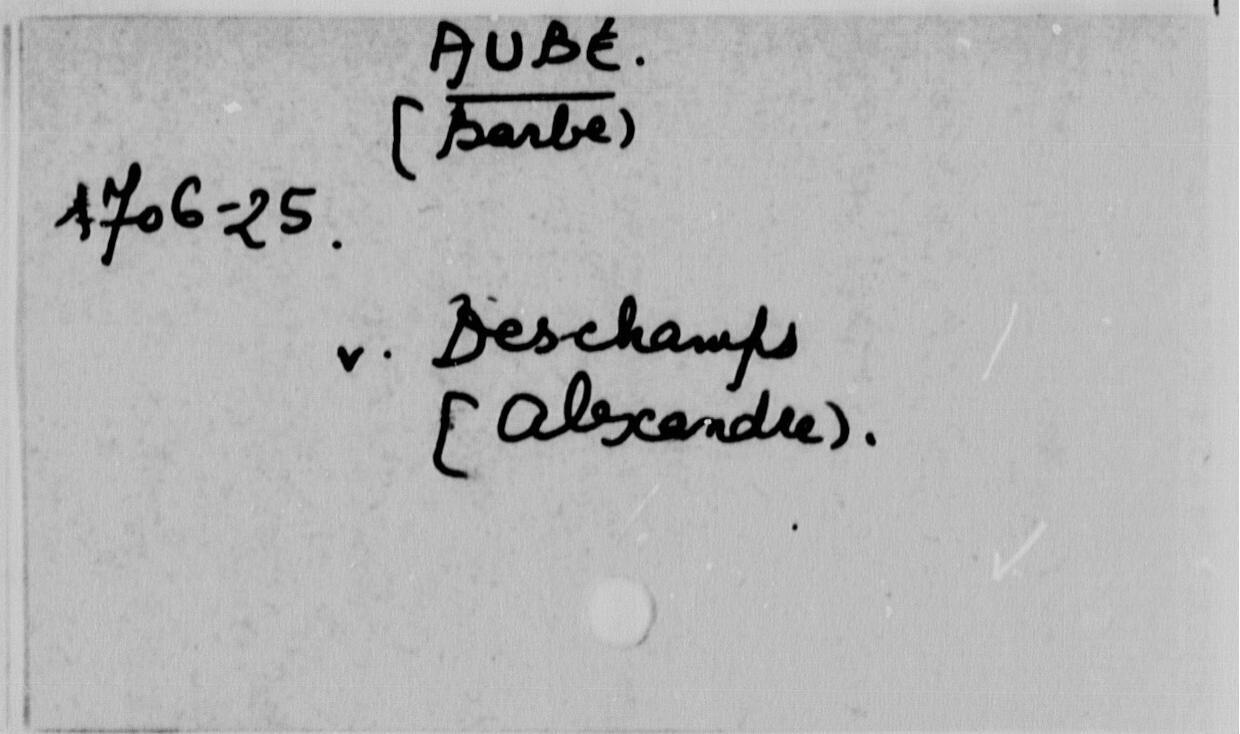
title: AUBÉ (Barbe)
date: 1706-1725
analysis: Voir Deschamps (Alexandre)
